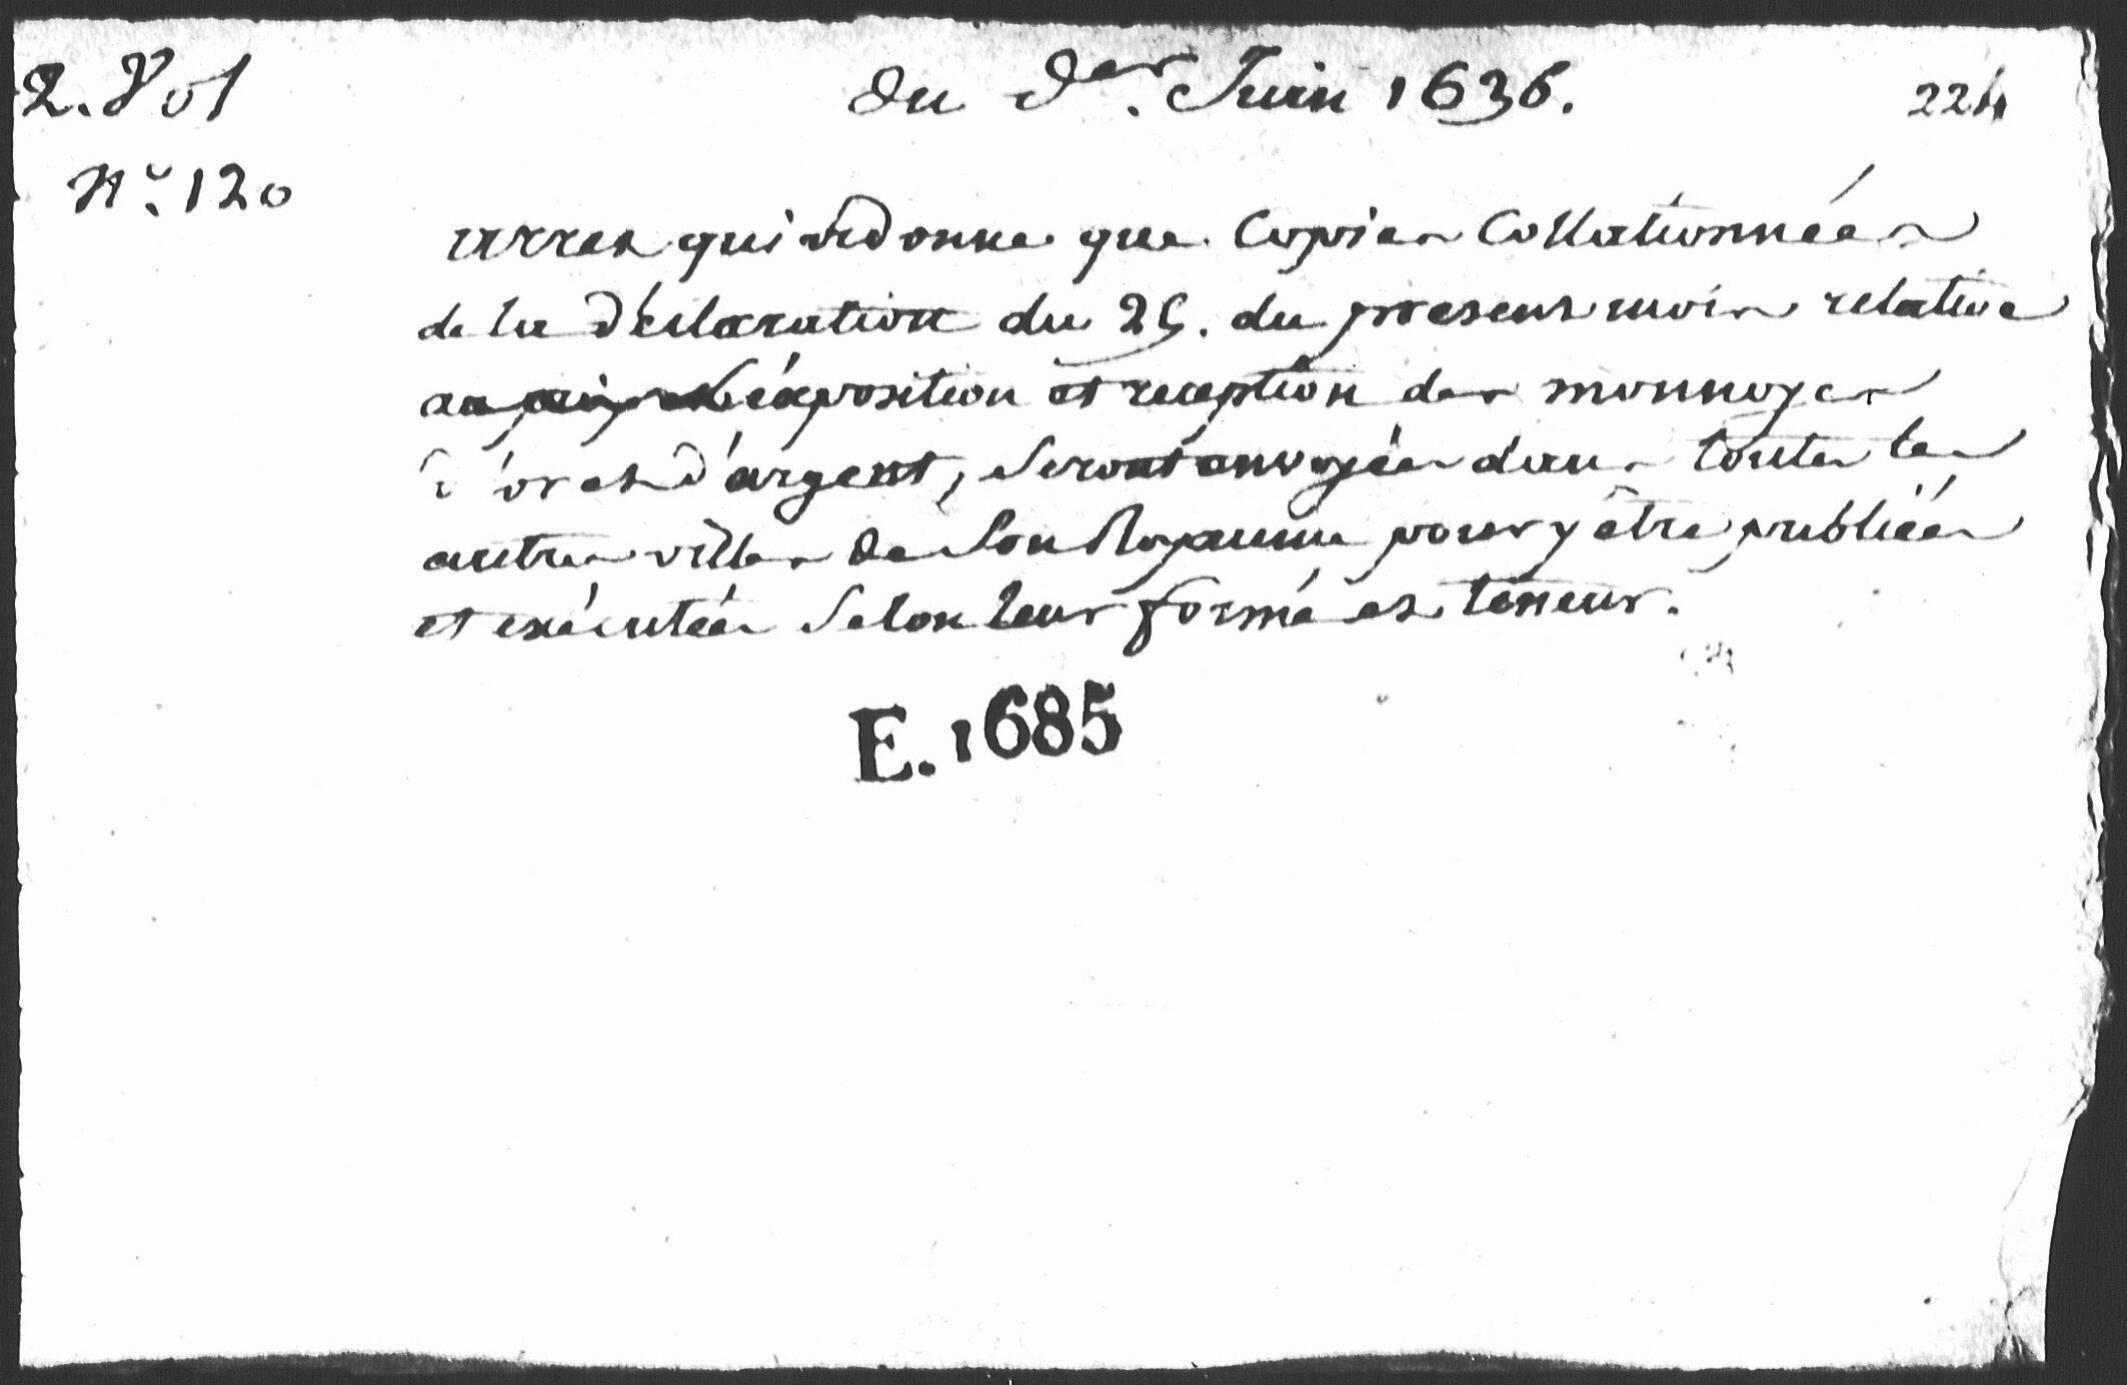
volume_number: n°120
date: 30 juin 1636
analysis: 224
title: arret qui ordonne que copies collationnées de la déclaration du 25. du present mois relative a [mots barrés] l'exposition et reception des monnoyes d'or et d'argent, seront envoyées dans toutes les autres villes de son Royaume pour y être publiées et exécutées selon leur forme et teneur.
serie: E
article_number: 1685
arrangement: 2. vol
